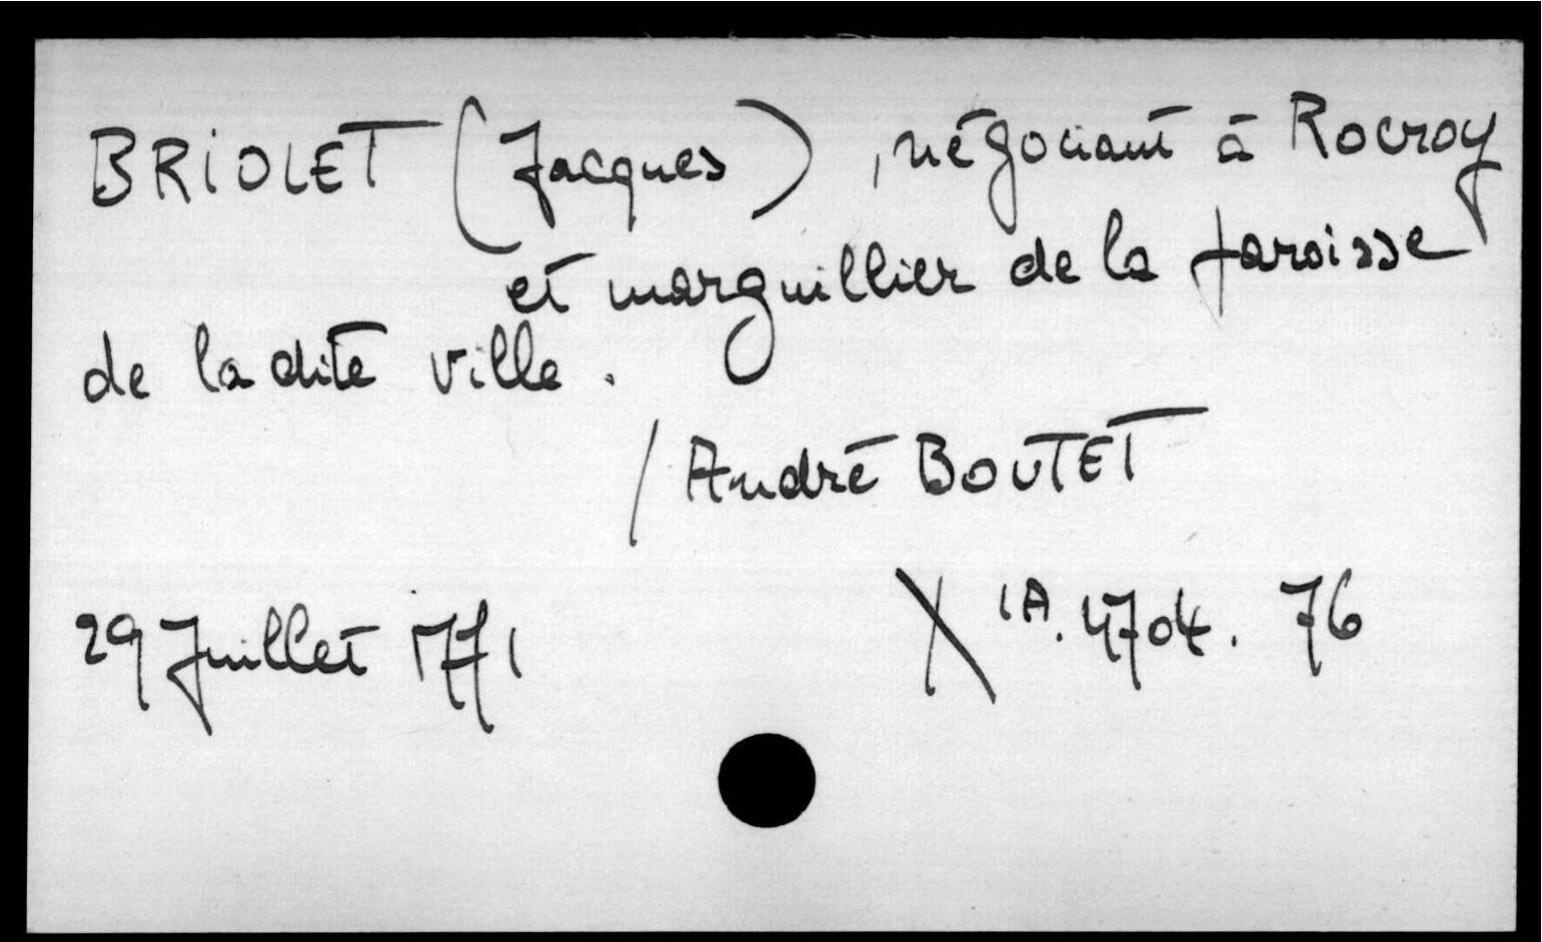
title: BRIOLET (Jacques), négociant à Rocroy et marguillier de la paroisse de ladite Ville.
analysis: Contre André BOUTET
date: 29 juillet 1771
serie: X1A
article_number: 4704
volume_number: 76
